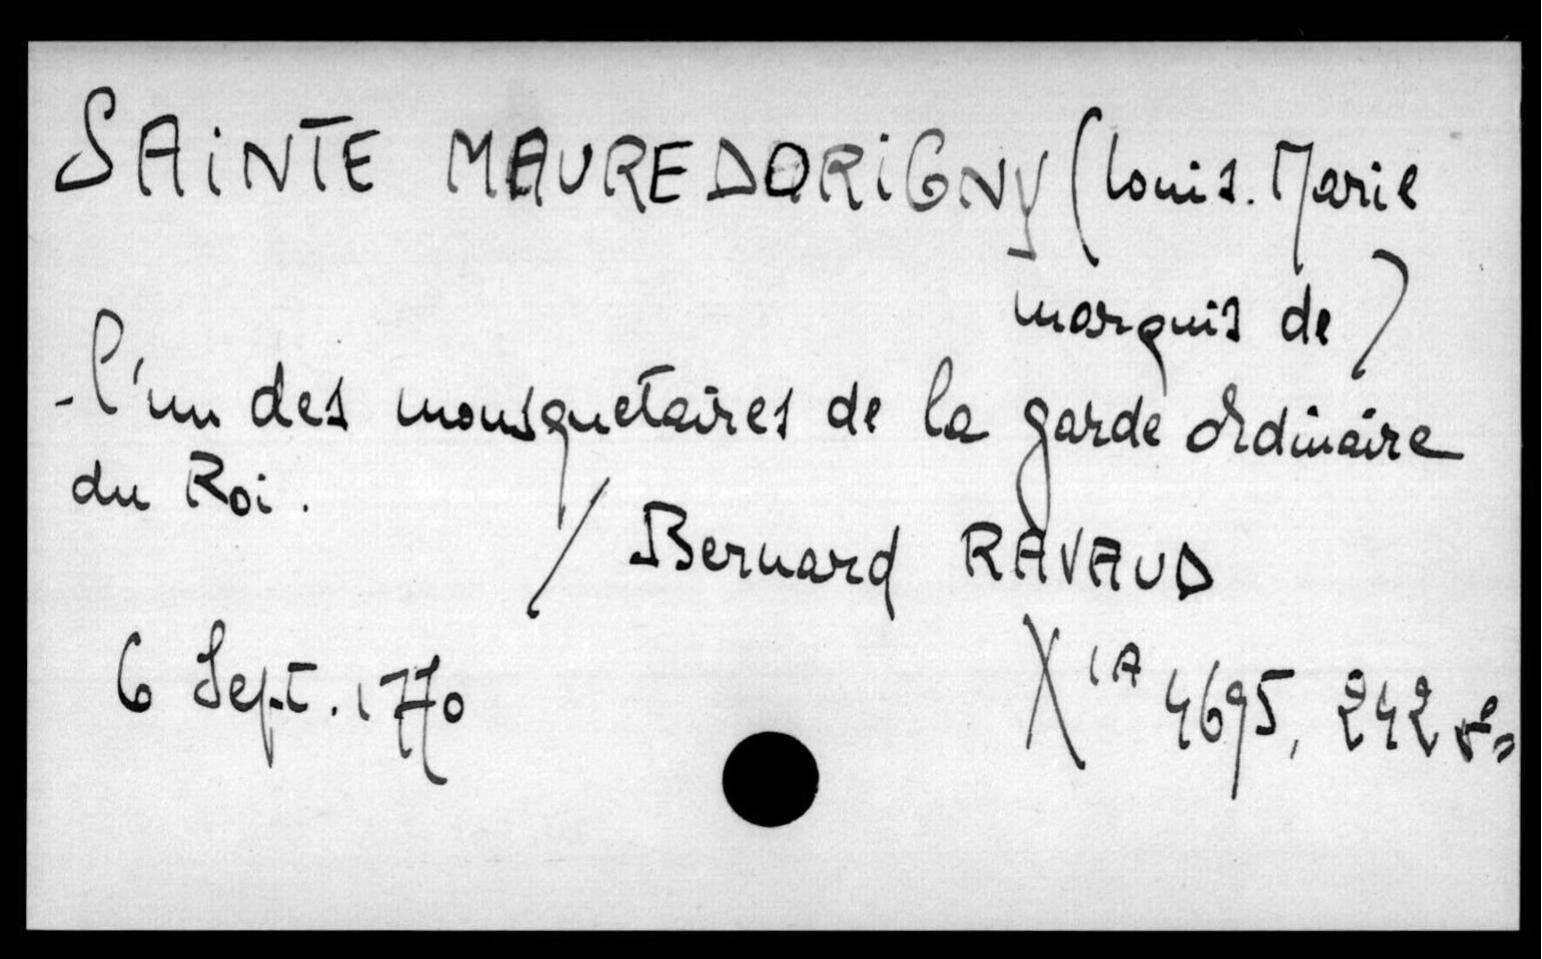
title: SAINTE MAUREDORIGNY (Louis-Marie marquis de) - l'un des mousquetaires de la garde ordinaire du Roi.
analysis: Contre Bernard RAVAUD
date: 6 septembre 1770
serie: X1A
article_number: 4695
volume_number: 242v
